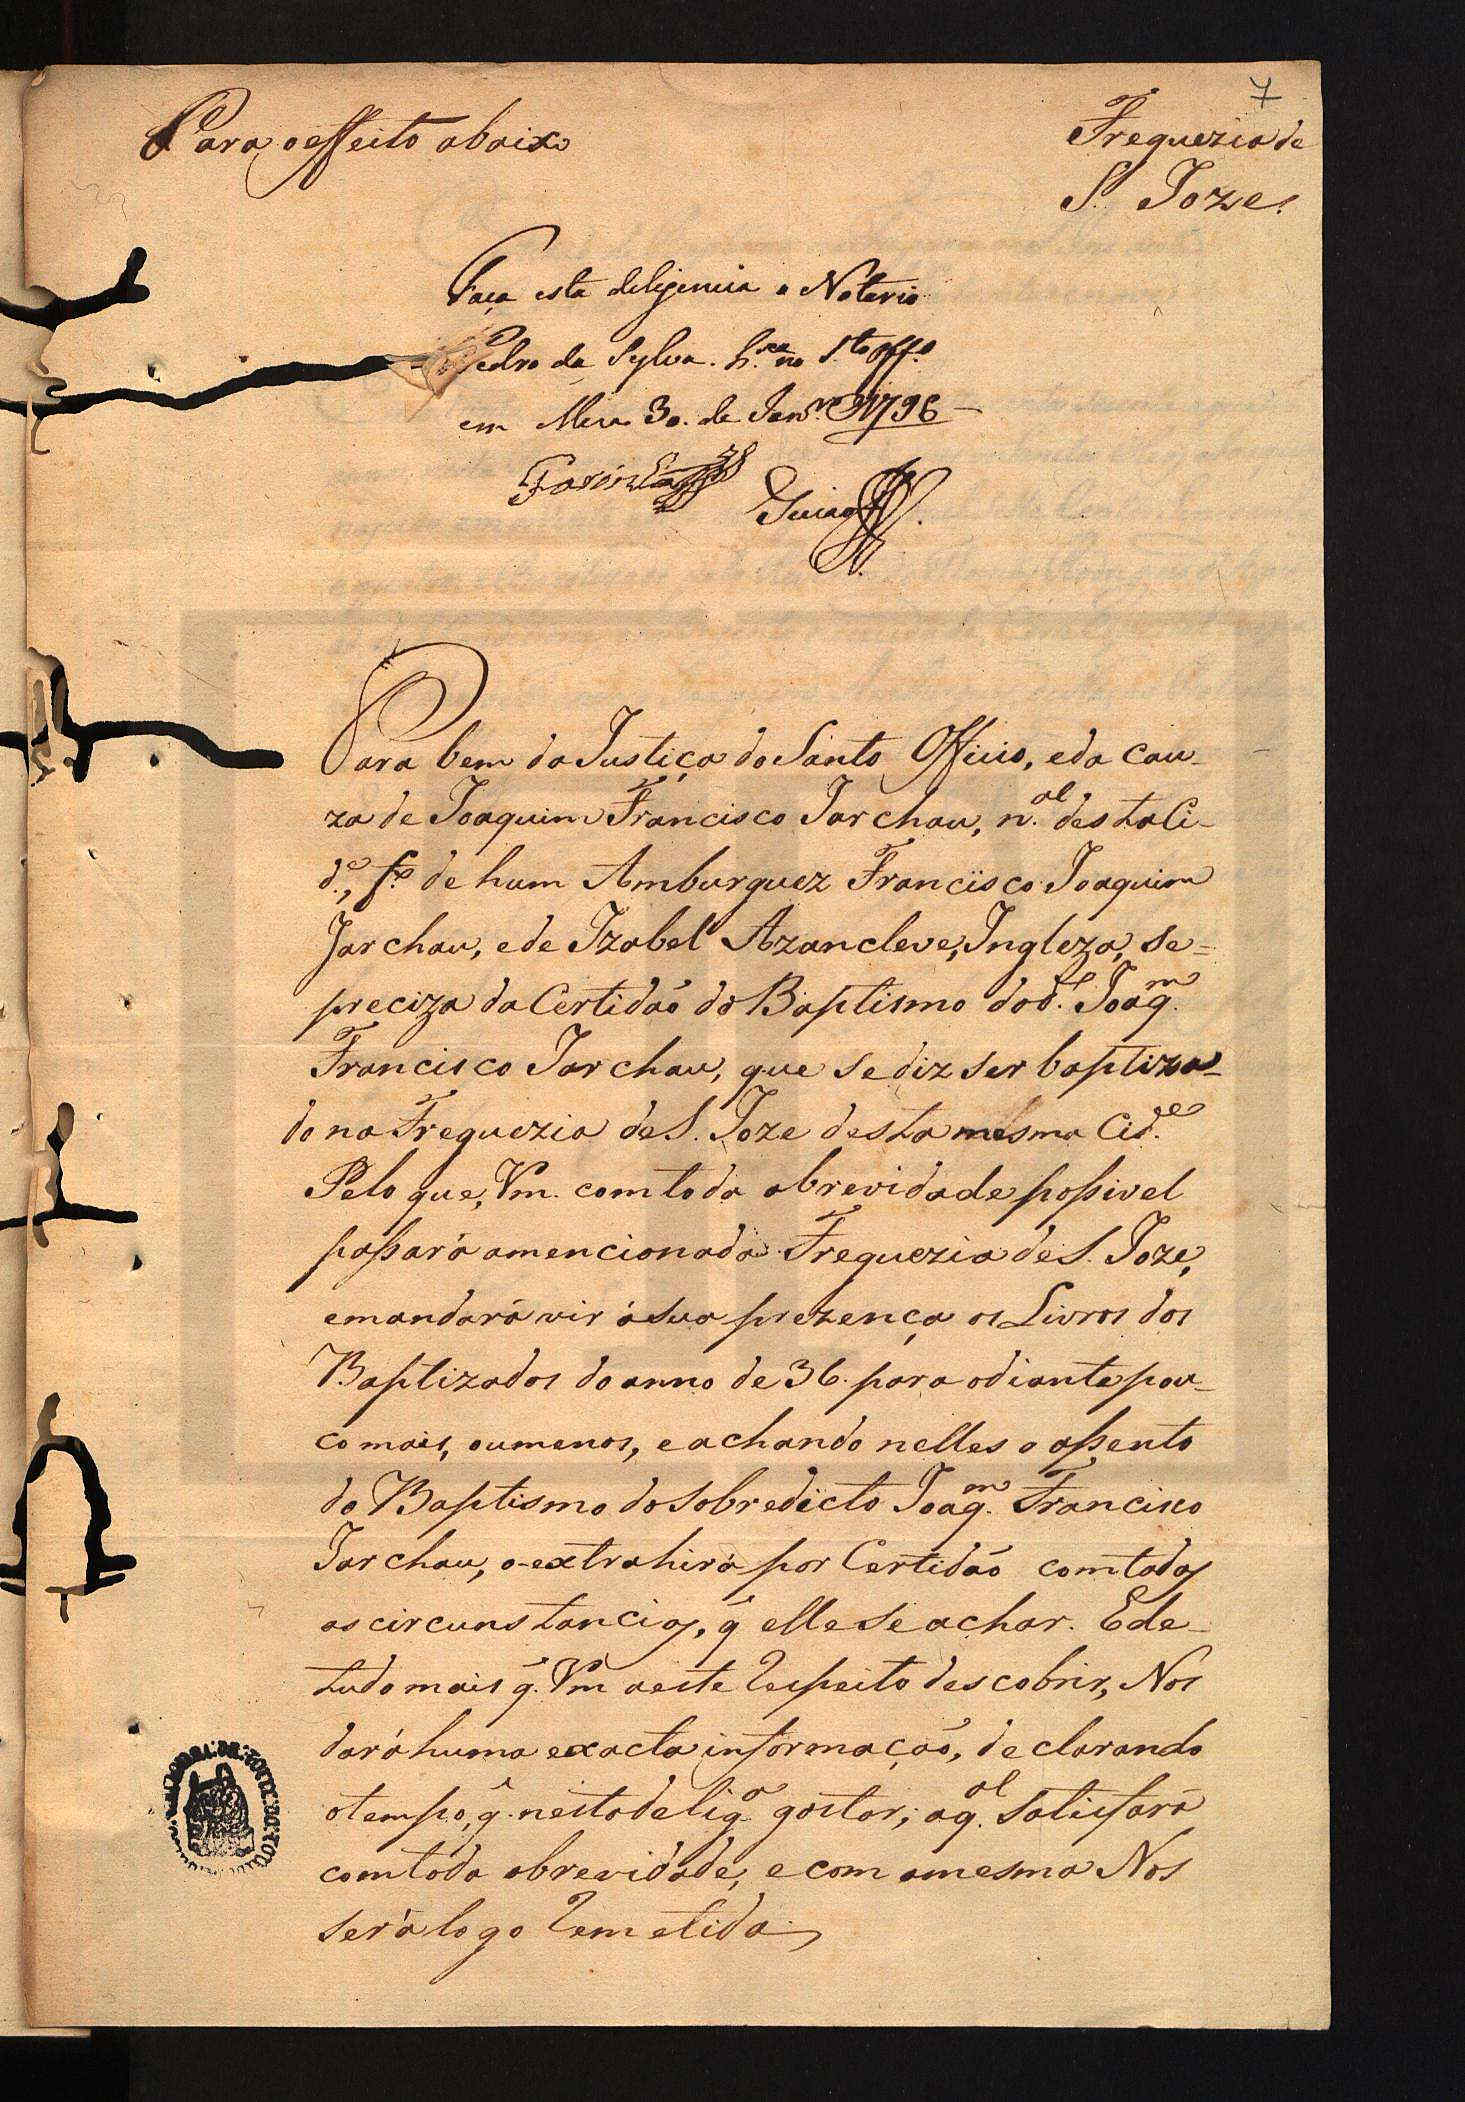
Para o effeito abaixo
Freguezia de
S. Ioze
Faça esta diligencia o Notario
Pedro da Sylva. L.xa no S.to off.o
em Meza 30. de Ian.ro d̄ 1796
Farinha
Guiaõ
Para bem da Iustiça do Santo Officio, e da cau
za de Ioaquim Francisco Iarchau, n.al desta Ci
d.e, f.o de hum Amburquez Francisco Ioaquim
Jarchau, e de Izabel Azancleve, Ingleza, se
preciza da Certidaõ do Baptismo do d.o Ioaq.m
Francisco Iarchau, que se diz ser baptiza
do na Freguezia de S. Ioze desta mesma Cid.e
Pelo que, Vm. com toda a brevidade possivel
passará a mencionada Freguezia de S. Ioze,
e mandará vir á sua prezença os Livros dos
Baptizados do anno de 36. para o diante pou
co mais, ou menos, e achando nelles o assento
do Baptismo do sobredicto Ioaq.m Francisco
Iarchau, o extrahira por Certidaõ com todas
as circunstancias, q̄ elle se achar. E de
tudo mais q̄ Vm a este Respeito descobrir, Nos
dará huma exacta informaçaõ, declarando
o tempo, q̄ nesta delig.a gastar; a q̄.al satisfará
com toda o brevidade, e com a mesma Nos
será logo Remetida
